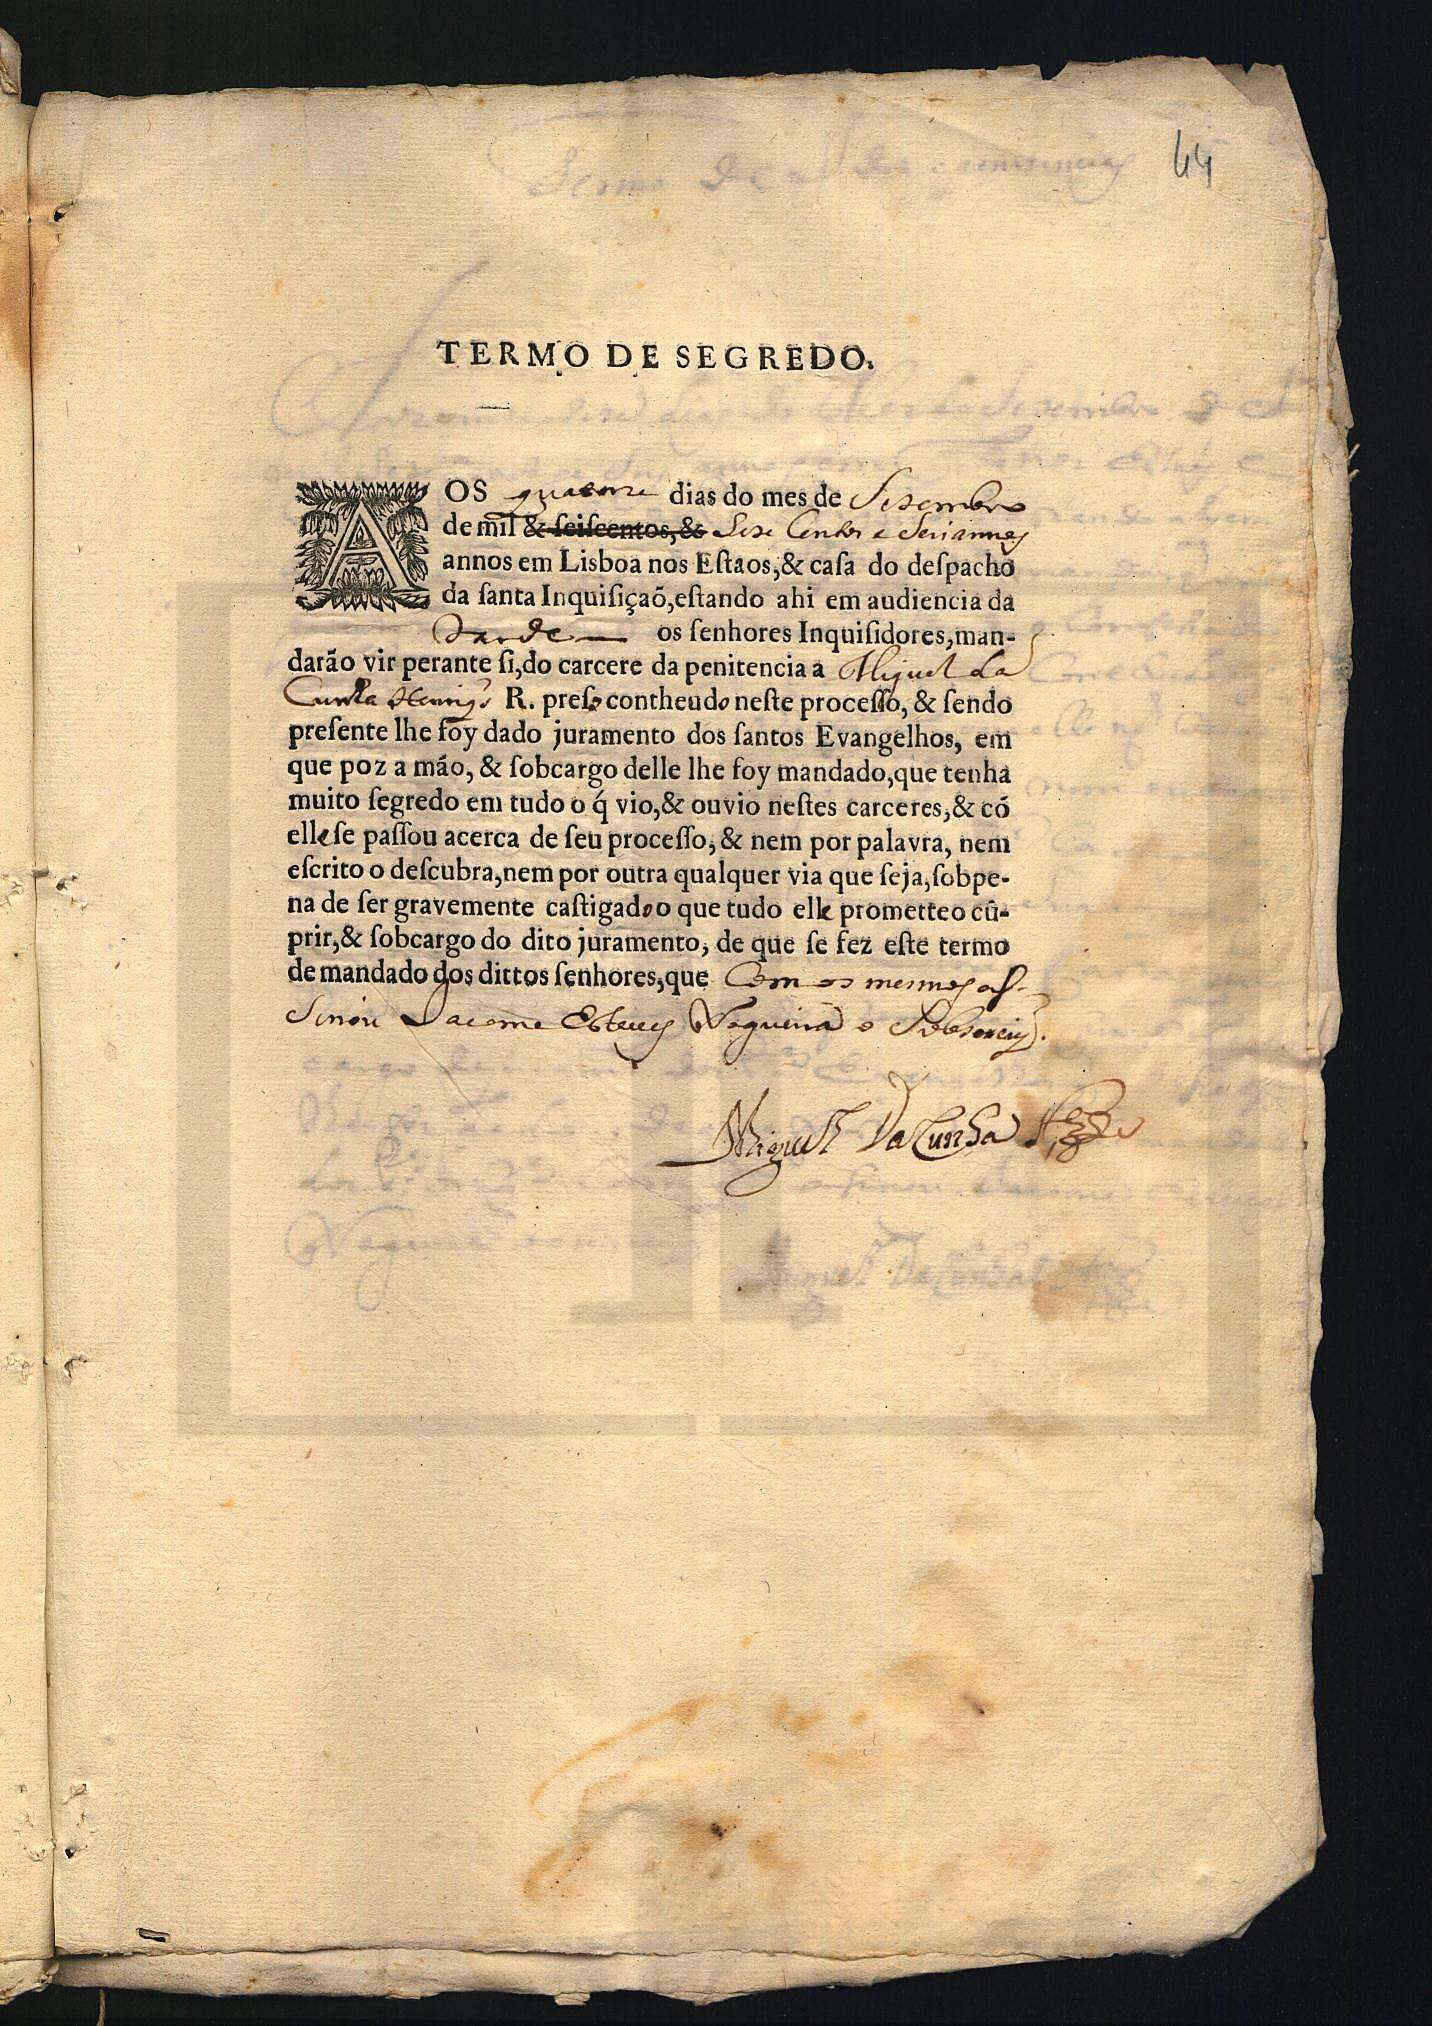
TERMO DE SEGREDO.
Os quatorze dias do mes de Setembro
de mil & seiscentos, & seteCentos e seis annos
annos em Lisboa nos Estaos, & casa do despacho
da santa Inquisiçaõ, estando ahi em audiencia da
tarde os senhores Inquisidores, man
darão vir perante si, do carcere da penitencia a Miguel da
Cunha Henriqs̄ R. preso contheudo neste processo, & sendo
presente lhe foy dado juramento dos santos Evangelhos, em
que poz a mão, & sob cargo delle lhe foy mandado, que tenha
muito segredo em tudo o q̄ vio, & ouvio nestes carceres, & cō
elle se passou acerca de seu processo, & nem por palavra, nem
escrito o descubra, nem por outra qualquer via que seja, sob pe
na de ser gravemente castigado o que tudo elle prometteo cū
prir, & sob cargo do dito juramento, de que se fez este termo
de mandado dos dittos senhores, que Com os mesmos as
Sinou Iacome Esteues Nogueira o Sobscreuy.
Miguel Da Cunha Hes
